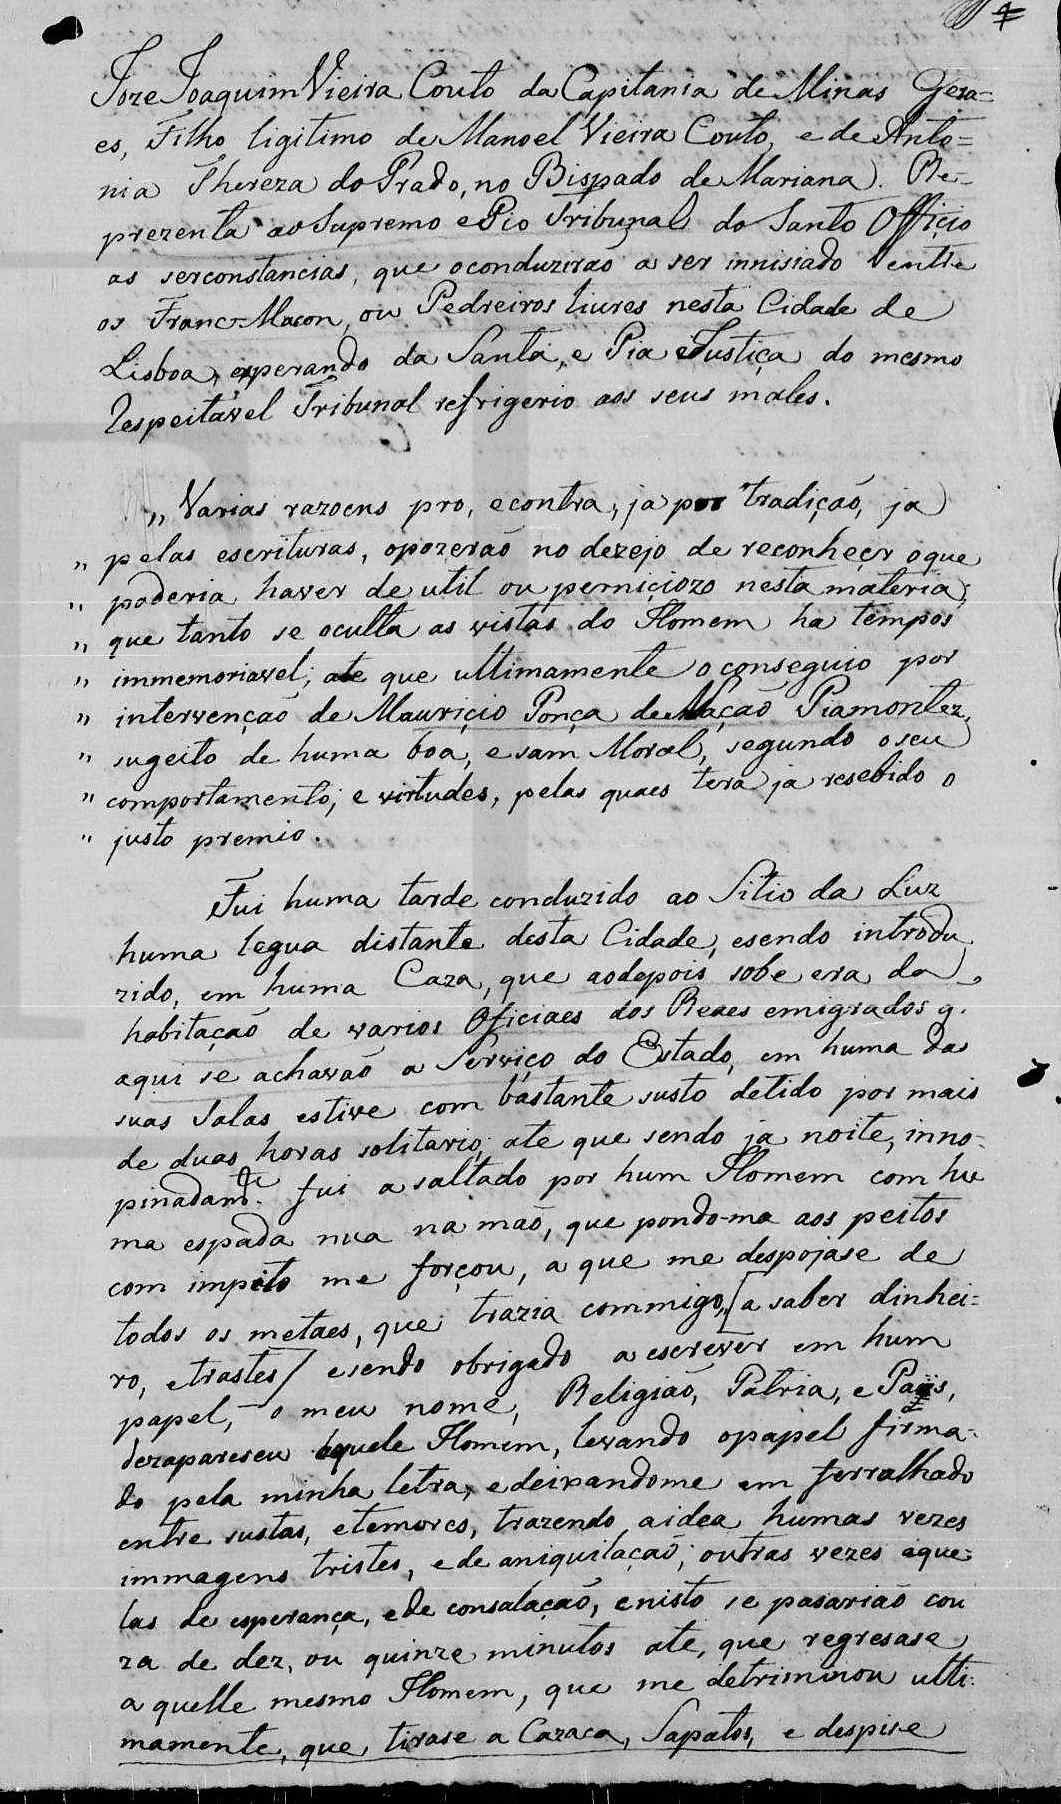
Joze Joaquim Vieira Couto da Capitania de Minas Gera
es, Filho ligitimo de Manoel Vieira Couto, e de Anto
nia Thereza do Prado, no Bispado de Mariana. Re
prezenta ao Supremo e Pio Tribunal do Santo Offiçio
as serconstancias, que o conduziraõ a ser innisiado entre
os Franc Macon, ou Pedreiros livres nesta Cidade de
Lisboa, esperando da Santa, e Pia Justiça do mesmo
respeitável Tribunal refrigerio aos seus males.
"Varias razoens pro, e contra, ja por tradiçaõ, ja
"pelas escrituras, o pozeraõ no dezejo de reconheçer o que
"poderia haver de util ou perniçiozo nesta materia;
"que tanto se oculta as vistas do Homem ha tempos
"immemoriavel; ate que ultimamente o conseguio por
"intervençaõ de Mauriçio Ponça de Naçaõ Piamontez,
"sugeito de huma boa, e sam Moral, segundo o seu
"comportamento; e virtudes, pelas quaes tera ja resebido o
"justo premio.
Fui huma tarde conduzido ao Sitio da Luz
huma legua distante desta Cidade, e sendo introdu
zido, em huma Caza, que ao depois sobe era da
habitaçaõ de varios Oficiaes dos Reaes emigrados q̄.
aqui se achavaõ a Serviço do Estado, em huma das
suas salas, estive com bastante susto detido por mais
de duas horas solitario, ate que sendo ja noite, inno
pinadam.te fui asaltado por un Homem com hu
ma espada nua na maõ, que pondo-ma aos peitos
com impito me forçou, a que me despojase de
todos os metaes, que trazia commigo, [a saber dinhei
ro, e trastes] e sendo obrigado a escrever em hum
papel, o meu nome, Religiaõ, Patria, e Pais,
dezapareseu aquele Homem, levando o papel firma
do pela minha letra, e deixandome em ferralhado
entre sustos, e temores, trazendo a idea humas vezes
immagens tristes, e de aniquilaçaõ; outras vezes aque
las de esperança, e de consolaçaõ, e nisto se pasariaõ cou
za de dez, ou quinze minutos ate, que regresase
aquelle mesmo Homem, que me detriminou ulti
mamente, que, tirase a cazaca, sapatos, e despise
